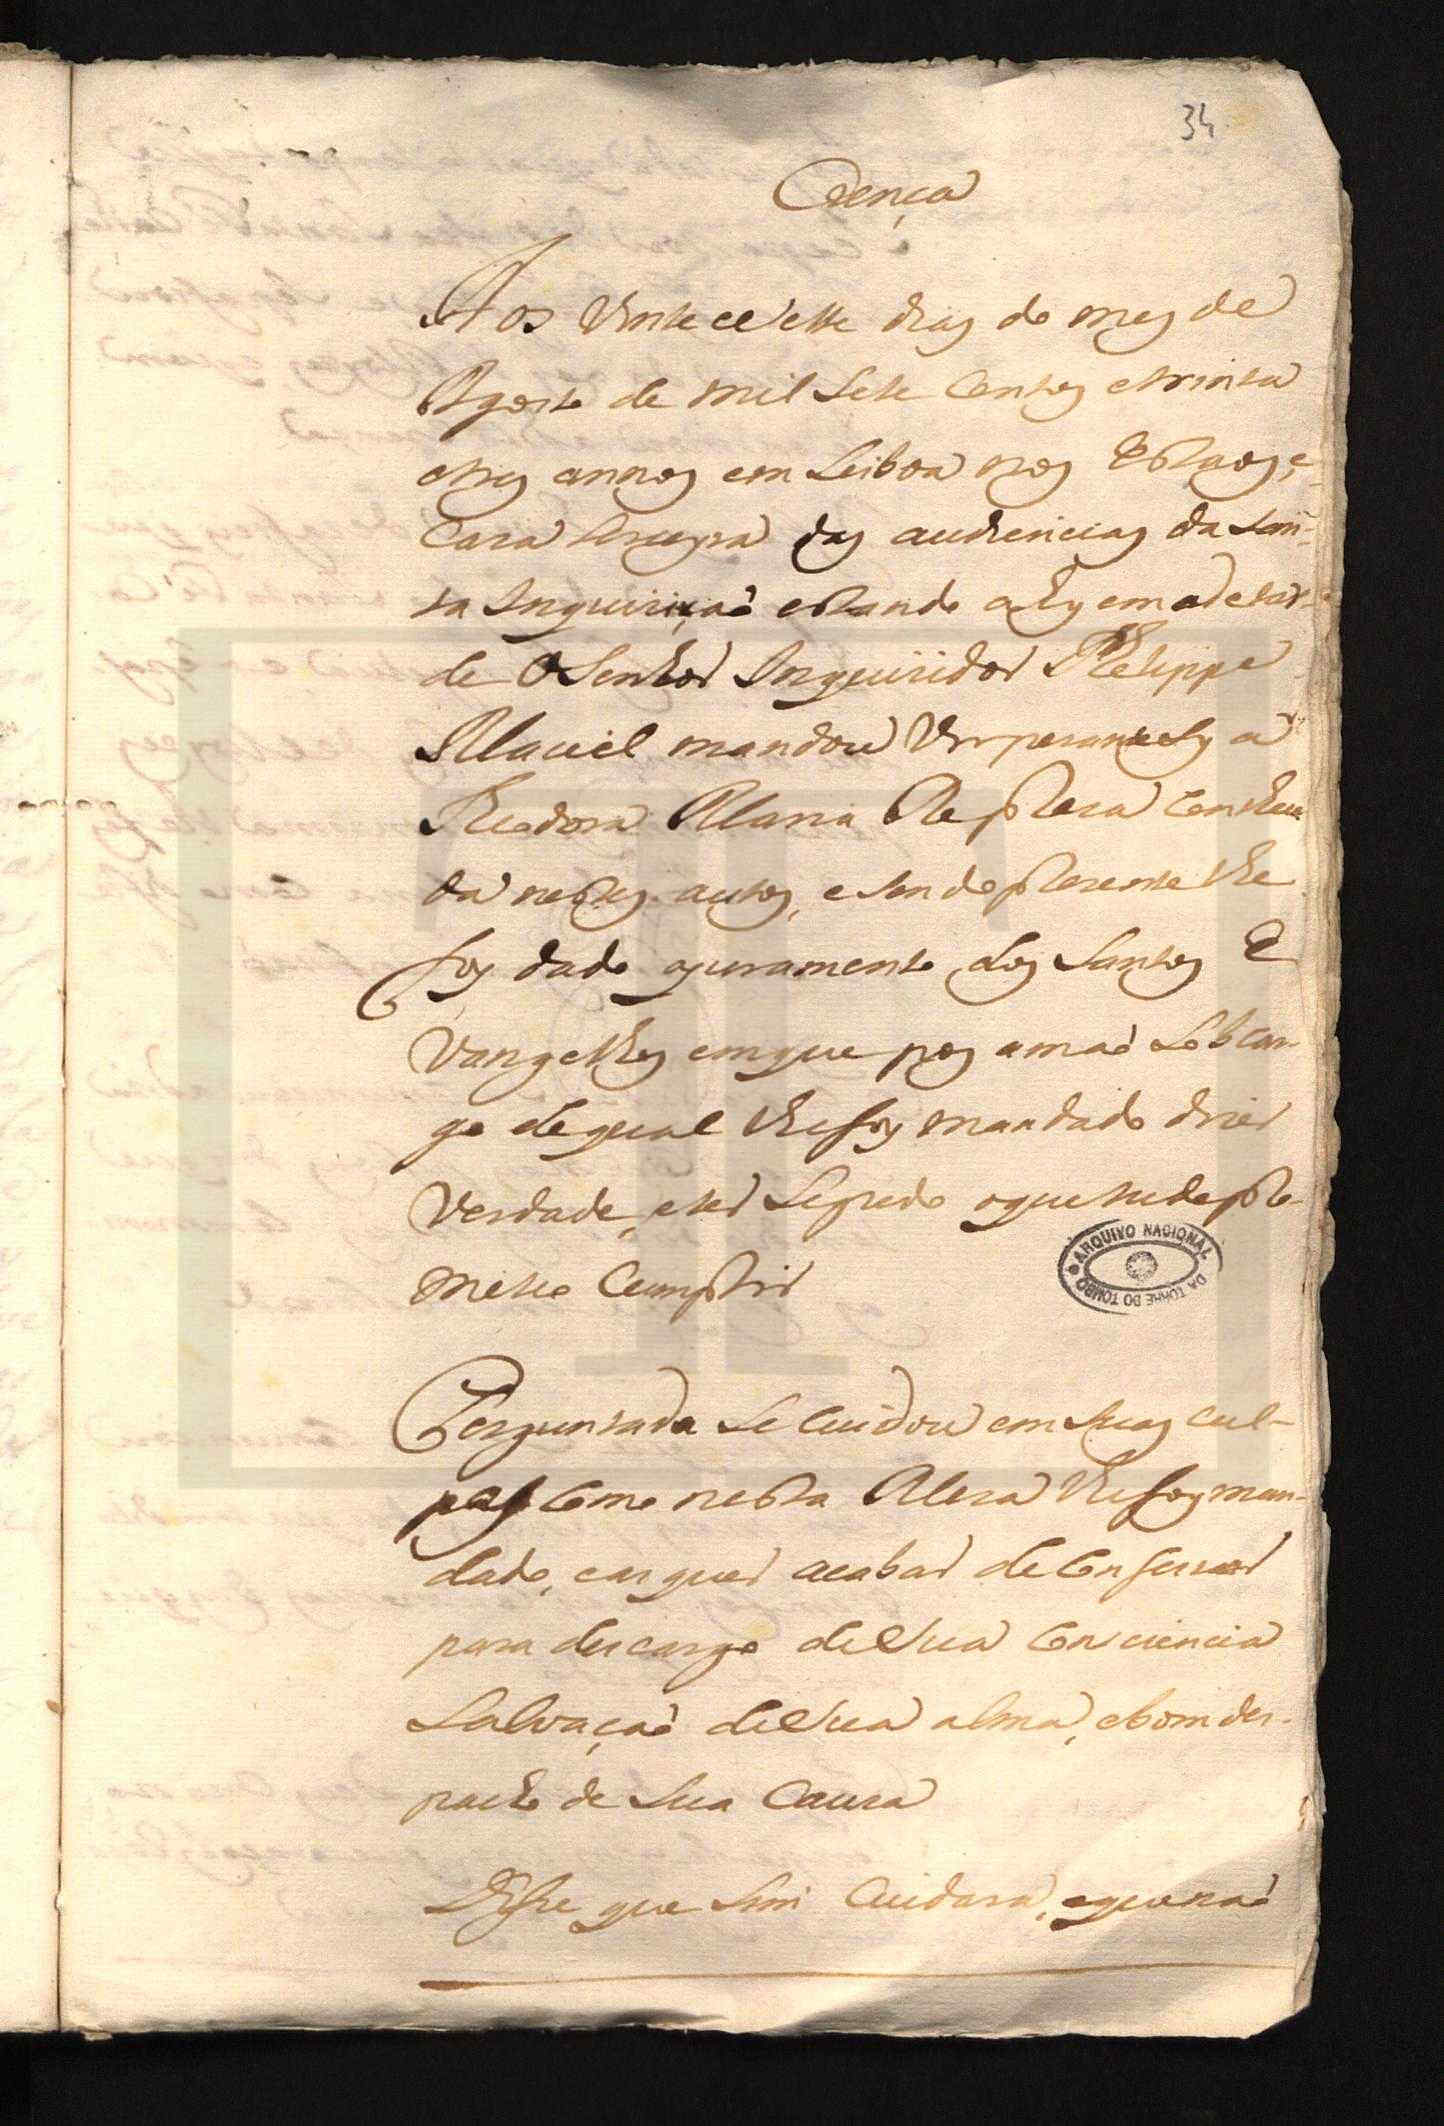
Crença
Aos vinte dias do mes de
Agosto de mil seteCentos e trinta
e tres annos em Lisboa nos Estaos, e
Caza terceyra das audiencias da san
ta Inquiziçaõ estando ahy em a de tar
de o Senhor Inquizidor Phelippe
Maciel mandou vir perante sy a
Theodora Maria Re pReza contheu
da nestes autos, e sendo pRezente lhe
foy dado o juramento dos Santos E
Vangelhos em que pos a maõ sob car
go de qual lhe foy mandado dizer
verdade, e ter segredo o que tudo pRo
meteo cumpRir.
Perguntada se cuidou em suas cul
pas como nesta Meza lhe foy man
dado, e as quer acabar de confessar
para descargo de sua consciencia
salvaçaõ de sua alma, e bom des
pacho de sua cauza
Disse que sim cuidara, e que naõ
